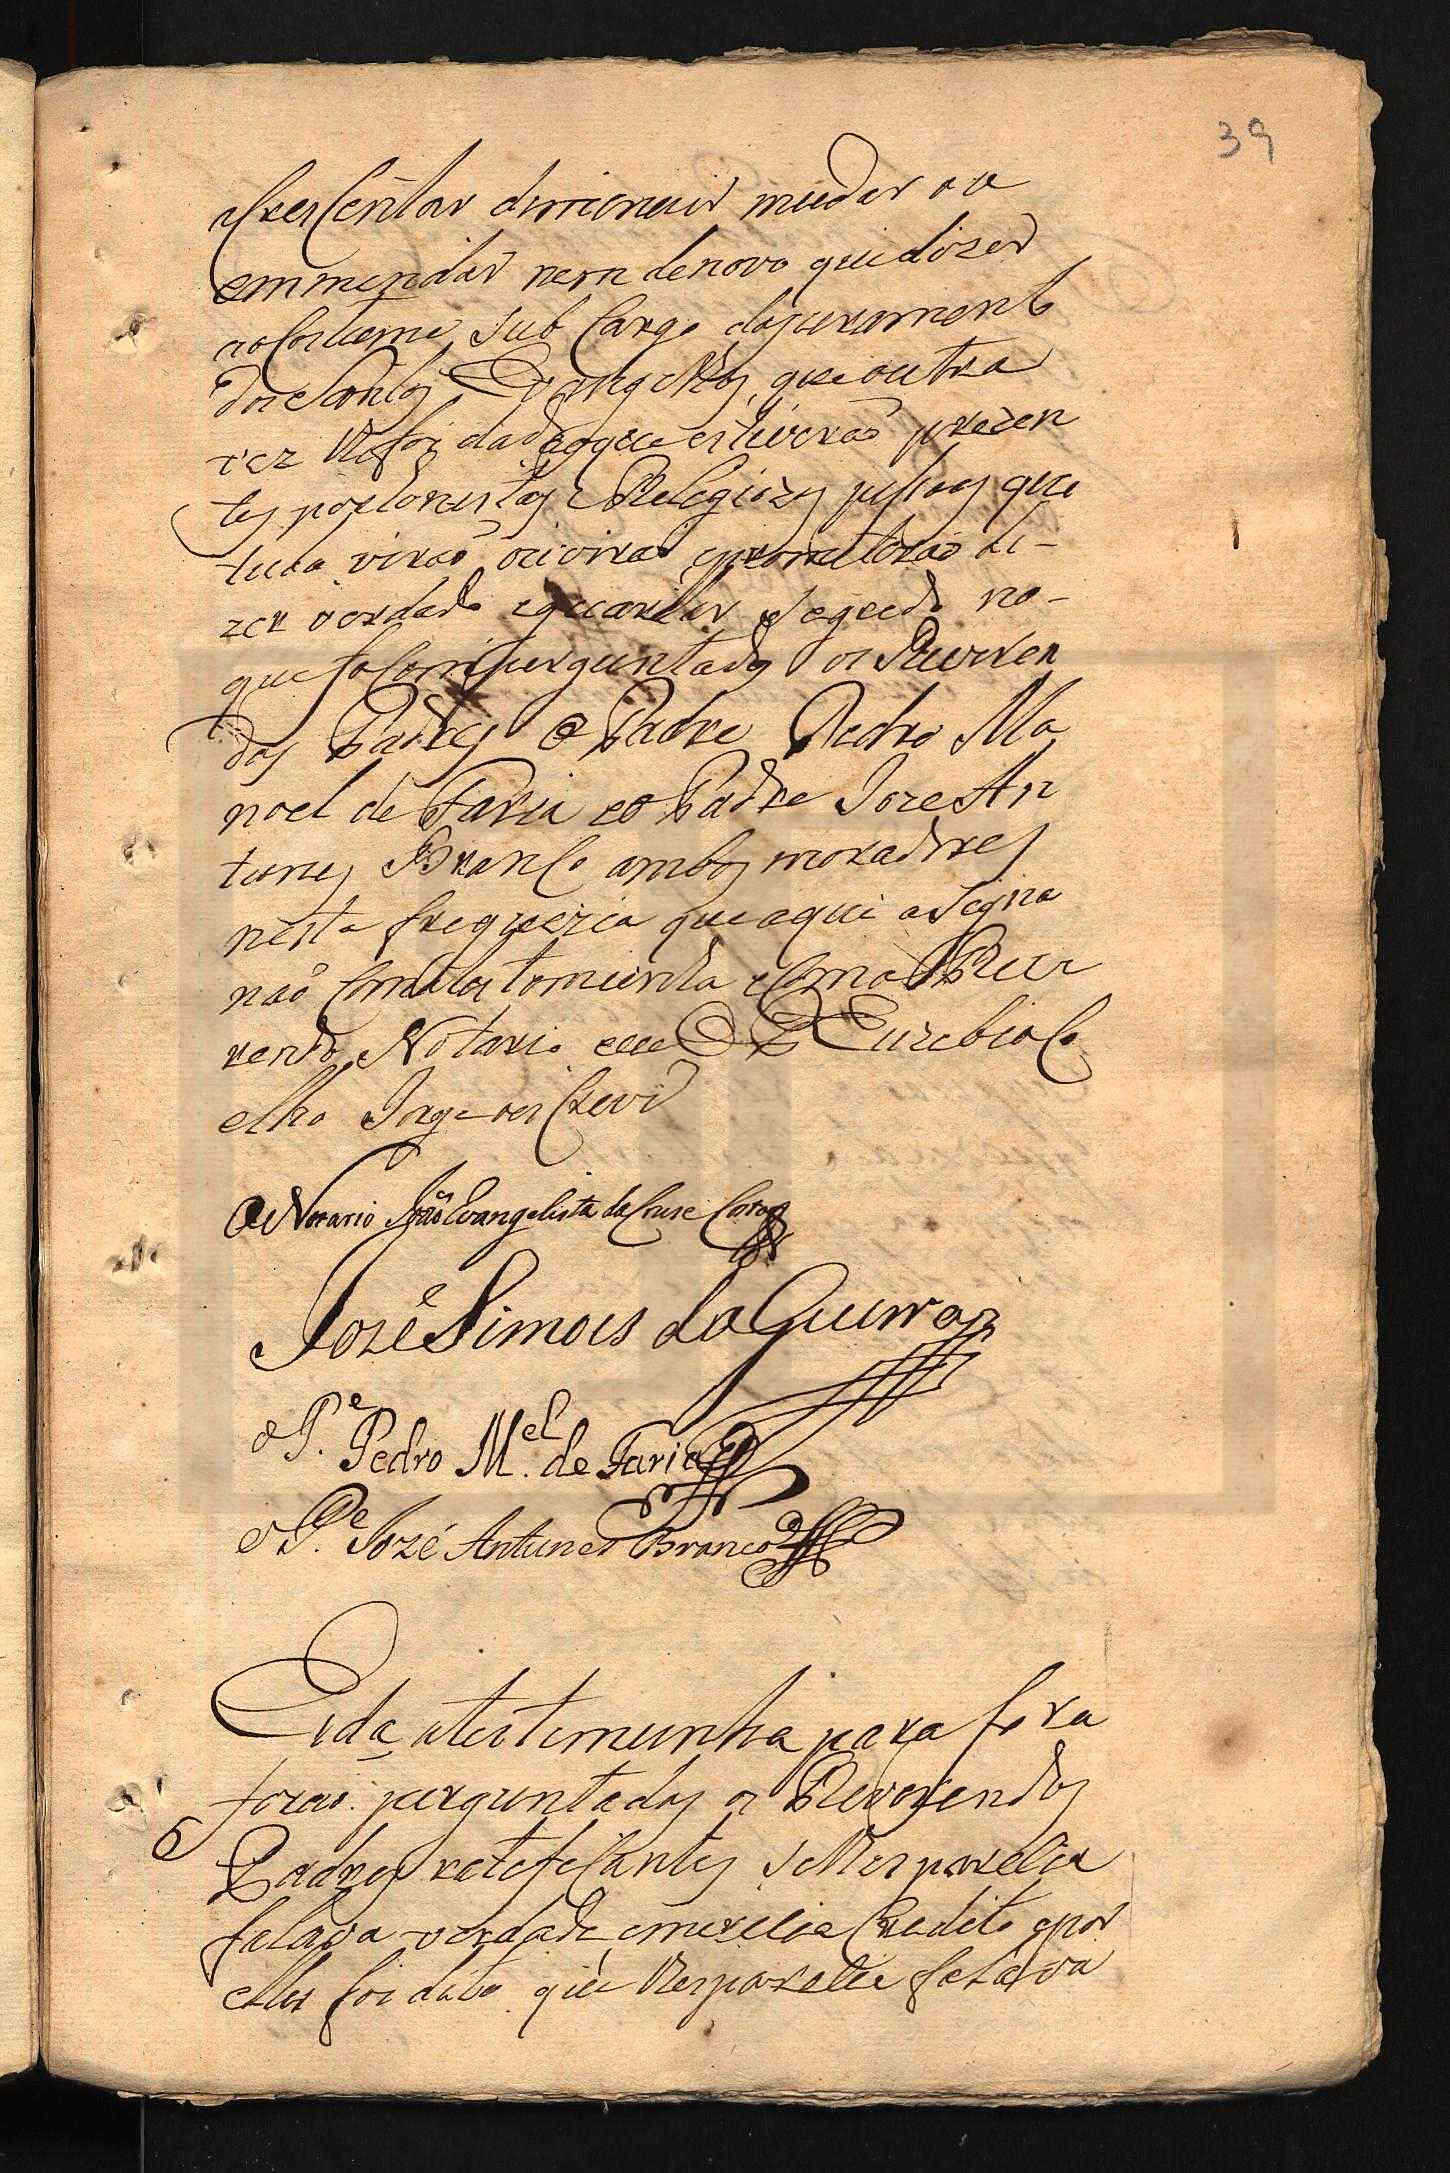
aCresCentar diminuir mudar ou
emmendar, nem de novo que dizer
ao Costume, sub Cargo do juramento
dos Santos Evangelhos, que outra
vez lhe foy dado ao que estiveraõ prezen
tes pos honestas, E Relegiozas pessoas que
tudo viraõ ouviraõ, e prometeraõ di
zer verdade e guardar segredo no
que foCem perguntados os Reveren
dos Padres o Padre Pedro Ma
noel de Faria e o Padre Ioze An
tunes BranCo ambos moradores
nesta freguezia que aqui asigna
raõ Com a testemunha e Com o Reve
rendo Notario e eu O P Euzebio Co
elho Iorge o esCrevi
O Notario Ioaõ Evangelista da Crus e Costa
Iozé Simoes da Guerra
o P.e Pedro M.el de Faria
o P.e Iozé Antunes Branco
E ida a testemunha para fora
foraõ perguntadas os Reverendos
Padres ratefiCantes se lhes pareCia
falava verdade, e merecia Credito e por
elles foi dito que lhes pareCee falava
